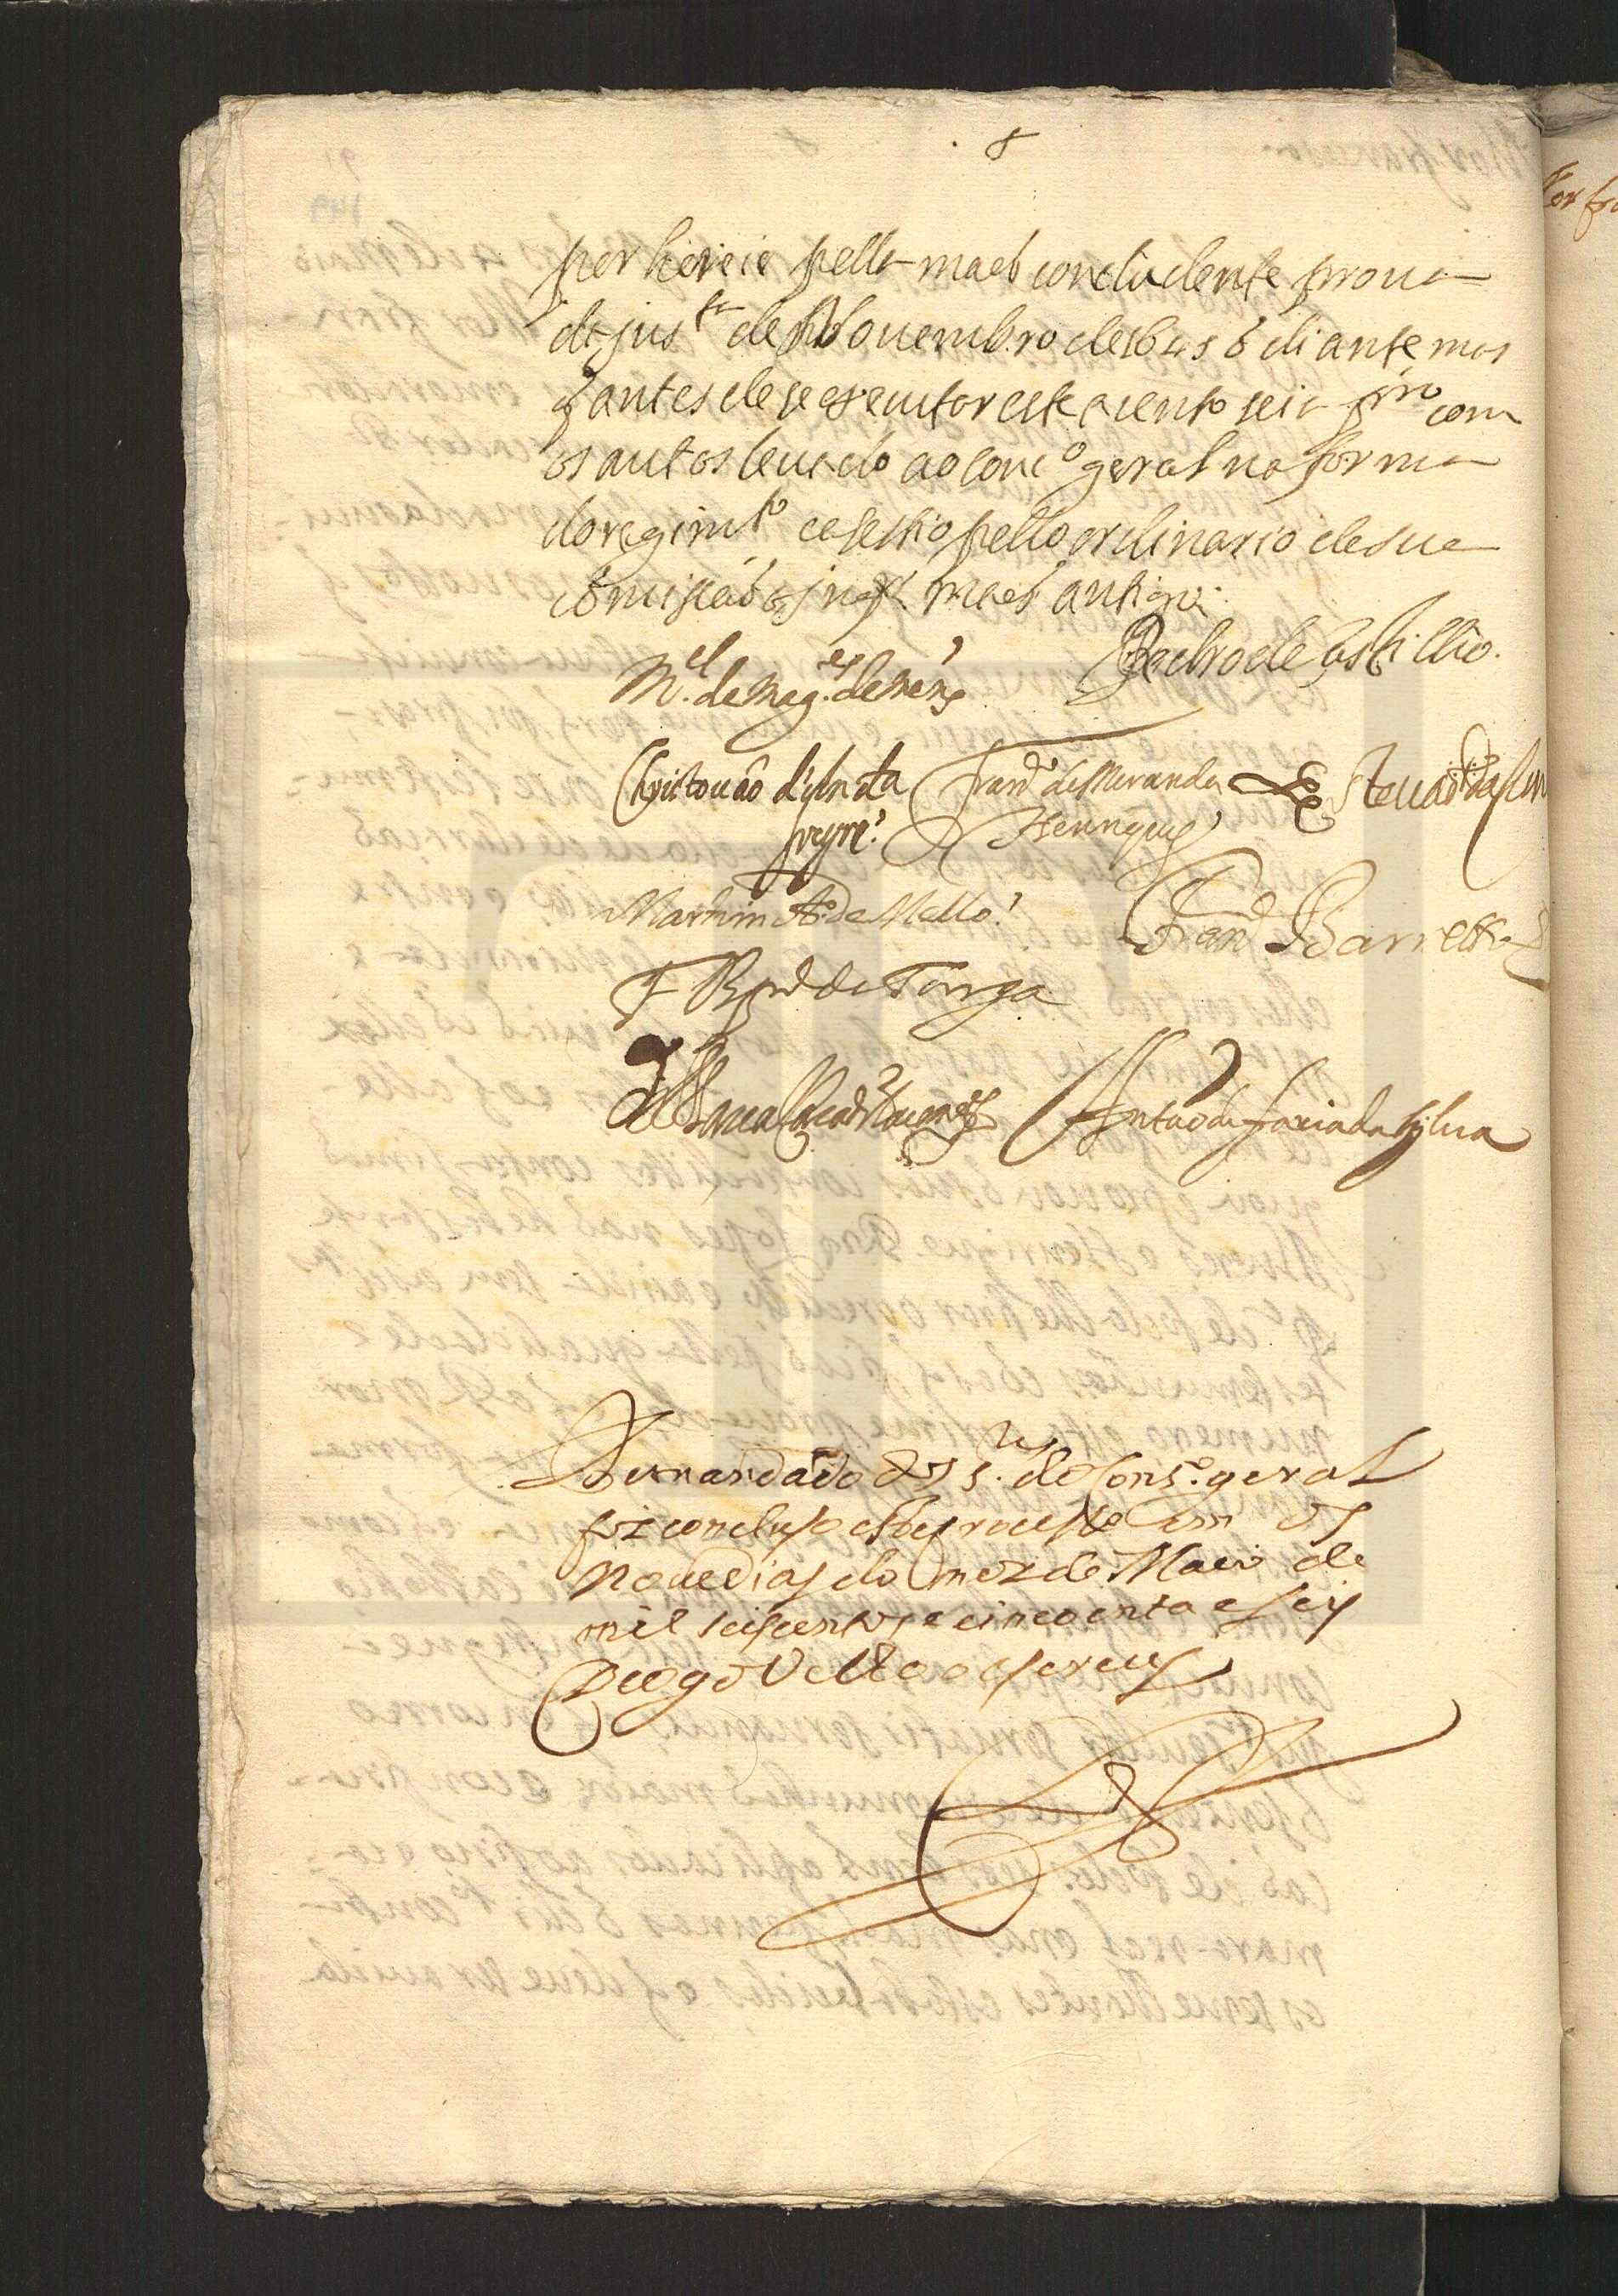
por hereie pella maes concludente proua
da justa de Nouembro de 1645 ē diante mas
q̄ antes de se esecutar este acento seia pro com
os autos leuado ao conco geral na forma
do regimto e asestio pello ordinario de sua
comissaõ o inq.r maes antigo
M.el de Mag.es de men̄s Pedro de Castilho.
Christouão d'And̄a Franco de Miranda Esteuaõ da Cun
freyre. Henriques
Martim A.o de Melo.
Franco Barretto
F Bpō de Targa
Marçal Cazado Iacome Antão de faria da Sylua
Demandado dos S.res do Cons.o geral
fiz concluso este processo em os
noue dias do mez de Maio de
mil seiscentos e cincoenta e seis
Diogo Velho o escreuj
